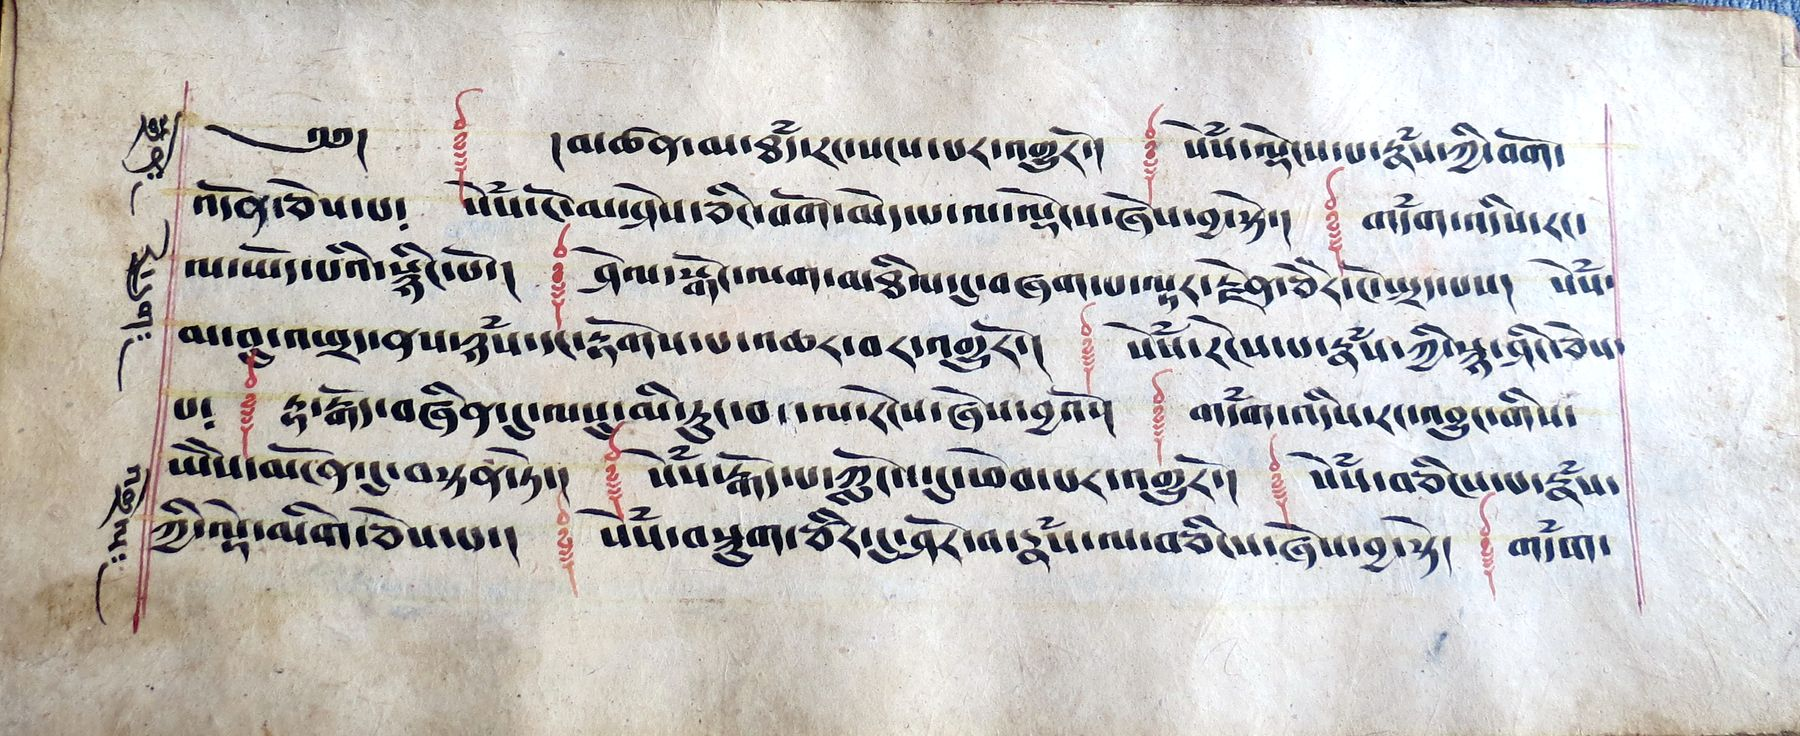མཚན་མ་ཐམས་ཅད་རང་སངས་པར་འགྱུར་རོ། །སེམས་ལྟེང་པ་རྣམས་ཀྱི་བོགས་
འདོན། །ཞེས་པས། སེམས་ངོ་མ་ཤེས་ཅིང་བོགས་མེད་པ་ལ་ལྟེང་ཞེས་བྱ་སྟེ། གདམས་ངག་འདིས་རང་
ལ་ཡོད་པའི་སྙིང་པོ། ཤེལ་སྒོང་ལག་མཐིལ་དུ་བཞག་པ་ལྟར་རྗེན་ཅེར་རེ་ངོ་སྤྲད་པས། སེམས་
མ་བུ་འཕྲད་ནས་ཉམས་དང་རྟོགས་པ་འཆར་བར་འགྱུར་རོ། །སེམས་རེངས་པ་རྣམས་ཀྱི་གཉའ་ཤིང་། །ཞེས་
པས། རྟ་རྒོད་བཞིན་དུ་ལས་སུ་མི་རུང་བ་ལ་རེངས་ཞེས་བྱ་སྟེ། གདམས་ངག་འདིས་རང་འབྱུང་གི་
ཡེ་ཤེས་མངོན་དུ་བསྟན་ཏེ། སེམས་རྒོད་པ་ཀློང་དུ་ཕེབས་པར་འགྱུར་རོ། །སེམས་བཅིངས་པ་རྣམས་
ཀྱི་ལྡེ་མིག །ཅེས་པས། སེམས་སྡུག་བཙིར་དུ་ཤོར་བ་རྣམས་ལ་བཅིངས་ཞེས་བྱ་སྟེ། གདམས་ངག་